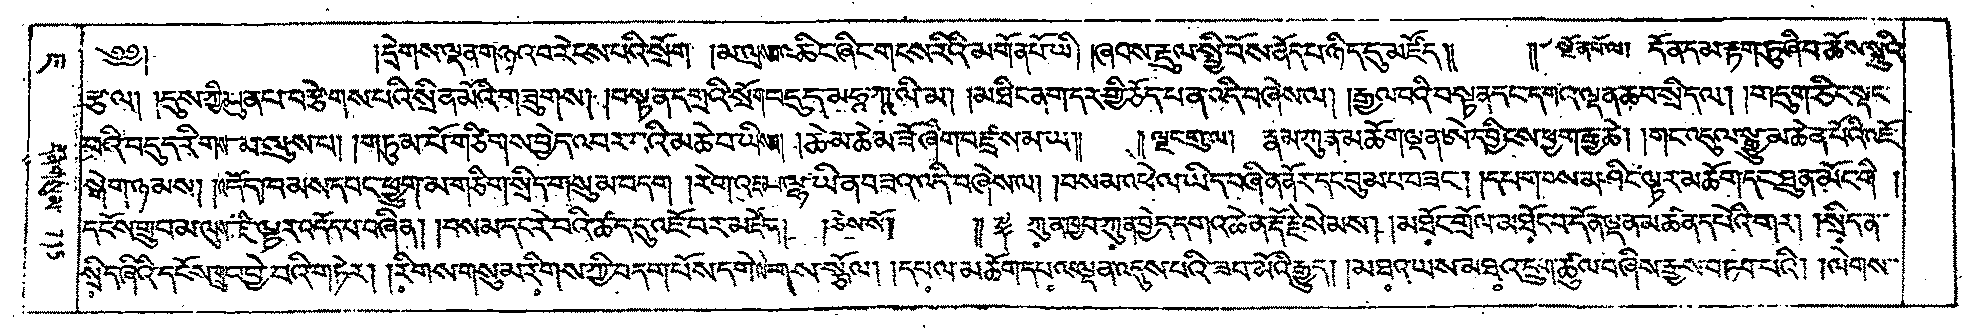༄༅། །དྲེགས་ལྡན་གཉའ་བ་རེངས་པའི་སྲོག །མ་ལུས་འཆིང་ཞིང་གངས་རིའི་མགོན་པོ་ཡི། །ཞབས་རྡུལ་སྤྱི་བོས་ནོད་པ་ཉིད་དུ་མཛོད།། །།༧་སྔོན་པོ་ལ།  དོན་དམ་རྟག་ཏུ་ཞི་བ་ཆོས་སྐུའི་
རྩལ། །དུས་ཀྱི་མུན་པ་བརྩེགས་པའི་སྲིན་མོའི་གཟུགས། །བསྟན་དགྲའི་སྲོག་བདུད་མཧཱ་ཀཱ་ལི་མ། །མཐིང་ནག་དར་གྱི་ཅོད་པན་འདི་བཞེས་ལ། །རྒྱལ་བའི་བསྟན་དང་དགའ་ལྡན་ཆབ་སྲིད་ལ། །གདུག་ཅིང་སྡང་
བའི་བདུད་རིགས་མ་ལུས་པ། །གཏུམ་པོ་གཙིགས་བྱེད་འབར་བའི་མཆེ་བ་ཡིས། །ཆེམ་ཆེམ་ཟོ་ཞིག་བཛྲ་ས་མ་ཡ།། །། ལྗང་གུ་ལ།  རྣམ་ཀུན་མཆོག་ལྡན་ཨེ་དབྱིངས་ཕྱག་རྒྱ་ཆེ། །གང་འདུལ་སྒྱུ་མ་ཆེན་པོའི་འཇོ་
སྒེག་ཉམས། །འདོད་ཁམས་དབང་ཕྱུག་མ་གཅིག་སྲིད་གསུམ་བདག །རེག་འཇམ་ལྷ་ཡི་ན་བཟའ་འདི་བཞེས་ལ། །བསམ་འཕེལ་ཡིད་བཞིན་ནོར་དང་བུམ་པ་བཟང་། །དཔག་བསམ་ཤིང་ལྟར་མཆོག་དང་ཐུན་མོང་གི །
དངོས་གྲུབ་མ་ལུས་ཇི་ལྟར་འདོད་པ་བཞིན། །བསམ་དང་རེ་བའི་ཚད་དུ་འཇོ་བར་མཛོད། ། ཅེས་སོ།།  །། ༈ ཀུན྾་ཁྱབ་ཀུན྾་བྱེད་དགའ་ཆེན་རྡོ་རྗེ་སེམས། །མཐོང྾་གྲོལ་མཐོང྾་བ་དོན་ལྡན་མཚན་དཔེའི་གར། །སྲིད྾་ན་
སྲིད྾་ཞིའི་དངོས་གྲུབ་བྱེ་བའི་གཏེར། །རིགས྾་གསུམ་རིགས྾་ཀྱི་བདག་པོས་དགེ་ལེགས་སྩོལ། །དཔལ྾་མཆོག་དཔལ྾་ལྡན་འདུས་པའི་ཟབ་མོའི་རྒྱུད། །མཐའ྾་ཡས་མཐའ྾་དྲུག་ཚུལ་བཞིས་རྒྱས་བཏབ་པའི། །ལེགས་